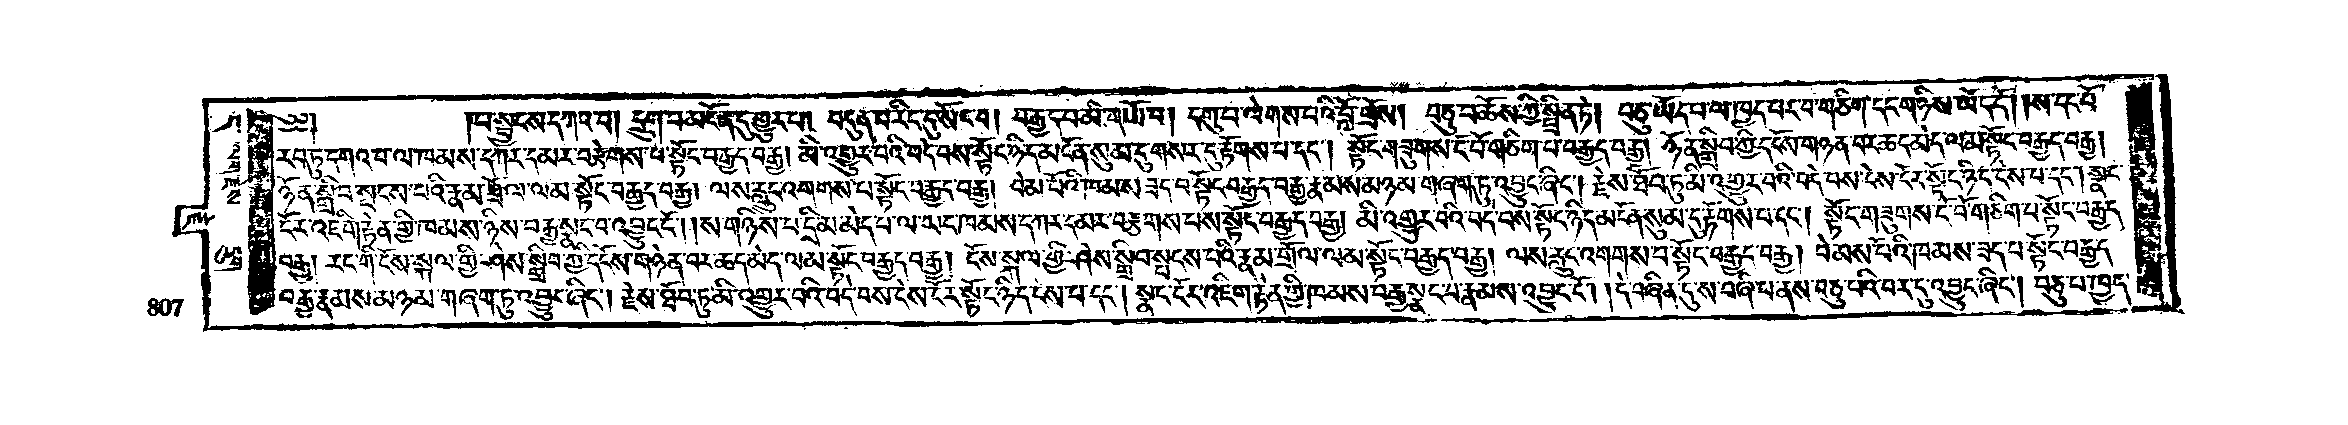༄༅། །པ་སྦྱངས་དཀའ་བ། དྲུག་པ་མངོན་དུ་གྱུར་པ། བདུན་པ་རིང་དུ་སོང་བ། བརྒྱད་པ་མི་གཡོ་བ། དགུ་པ་ལེགས་པའི་བློ་གྲོས། བཅུ་པ་ཆོས་ཀྱི་སྤྲིན་ཏེ། བཅུ་ཡོད་ལ་ཁྱད་པར་བ་གཅིག་དང་གཉིས་ཡོད་དོ། །ས་དང་པོ་
རབ་ཏུ་དགའ་བ་ལ་ཁམས་དཀར་དམར་བརྩེགས་པ་སྟོང་བརྒྱད་བརྒྱ། མི་འགྱུར་བའི་བདེ་བས་སྟོང་ཉིད་མངོན་སུམ་དུ་གསར་དུ་རྟོགས་པ་དང་། སྟོང་གཟུགས་ངོ་བོ་གཅིག་པ་བརྒྱད་བརྒྱ། ཉོན་སྒྲིབ་ཀྱི་དངོས་གཉན་བར་ཆད་མེད་ལམ་སྟོང་བརྒྱད་བརྒྱ།
ཉོན་སྒྲིབ་སྤངས་པའི་རྣམ་བྲོལ་ལམ་སྟོང་བརྒྱད་བརྒྱ། ལས་རླུང་འགགས་པ་སྟོང་བརྒྱད་བརྒྱ། བེམ་པོའི་ཁམས་ཟད་པ་སྟོང་བརྒྱད་བརྒྱ་རྣམས་གཞག་ཏུ་འབྱུང་ཞིང་། རྗེས་ཐོབ་ཏུ་མི་འགྱུར་བའི་བདེ་བས་ངེས་དོར་སྟོང་ཉིད་ངེས་པ་དང་། སྣང་
ངོར་འཇིག་རྟེན་གྱི་ཁམས་ཉིས་བརྒྱ་སྣང་བ་འབྱུང་ངོ། །ས་གཉིས་པ་དྲི་མ་མེད་པ་ལ་ཡང་ཁམས་དཀར་དམར་བརྩགས་པས་སྟོང་བརྒྱད་བརྒྱ། མི་འགྱུར་བའི་བདེ་བས་སྟོང་ཉིད་མངོན་སུམ་དུ་རྟོགས་པ་དང་། སྟོང་གཟུགས་ངོ་བོ་གཅིག་པ་སྟོང་བརྒྱད་
བརྒྱ། རང་གི་ངོས་སྐལ་གྱི་ཤེས་སྒྲིབ་ཀྱི་དངོས་གཉེན་བར་ཆད་མེད་ལམ་སྟོང་བརྒྱད་བརྒྱ། ངོས་སྐལ་གྱི་ཤེས་སྒྲིབ་སྤངས་པའི་རྣམ་གྲོལ་ལམ་སྟོང་བརྒྱད་བརྒྱ། ལས་རླུང་འགགས་པ་སྟོང་བརྒྱད་བརྒྱ། བེམས་པོའི་ཁམས་ཟད་པ་སྟོང་བརྒྱད་
བརྒྱ་རྣམས་མཉམ་གཞག་ཏུ་འབྱུང་ཞིང་། རྗེས་ཐོབ་ཏུ་མི་འགྱུར་བའི་བདེ་བས་ངེས་ངོར་སྟོང་ཉིད་ངེས་པ་དང་། སྣང་ངོར་འཇིག་རྟེན་གྱི་ཁམས་བརྒྱ་སྣང་པ་རྣམས་འབྱུང་ངོ། །དེ་བཞིན་དུ་ས་བཞི་པ་ནས་བཅུ་པའི་བར་དུ་འབྱུང་ཞིང་། བཅུ་པ་ཁྱད་